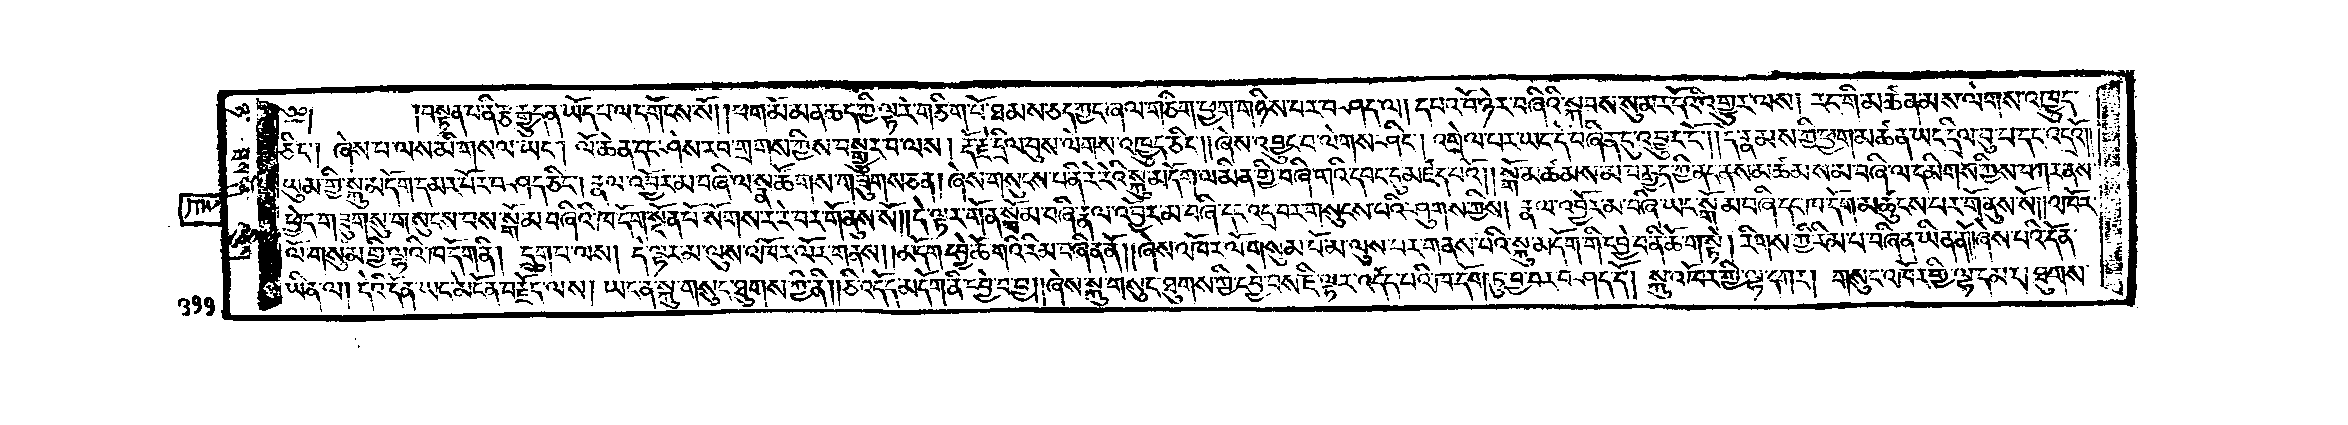༄༅། །བསྟན་པ་ནི་རྩ་རྒྱུད་ན་ཡོད་པ་ལ་དགོངས་སོ། །ཕག་མོ་མན་ཆད་ཀྱི་ལྷ་རེ་གཅིག་པོ་ཐམས་ཅད་ཀྱང་ཞལ་གཅིག་ཕྱག་གཉིས་པར་བཤད་ལ། དཔའ་བོ་ཉེར་བཞིའི་སྐབས་སུ་མར་དོའི་འགྱུར་ལས། རང་གི་མཚན་མས་ལེགས་འཁྱུད་
ཅིང་། ཞེས་པ་ལས་མི་གསལ་ཡང་། ལོ་ཆེན་དང་ཤེས་རབ་གྲགས་ཀྱིས་བསྒྱུར་བ་ལས། རྡོ་རྗེ་དྲིལ་བུས་ལེགས་འཁྱུད་ཅིང་། །ཞེས་འབྱུང་བ་ལེགས་ཤིང་། འགྲེལ་པར་ཡང་དེ་བཞིན་དུ་འབྱུང་ངོ། །དེ་རྣམས་ཀྱི་ཕྱག་མཚན་ཡང་དྲིལ་བུ་པ་དང་འདྲའོ། །
ཡུམ་གྱི་སྐུ་མདོག་དམར་པོར་བཤད་ཅིང་། རྣལ་འབྱོར་མ་བཞི་ལ་སྣ་ཚོགས་གཟུགས་ཅན། ཞེས་གསུངས་པ་ནི་རེ་རེའི་སྐུ་མདོག་ལ་མིན་གྱི་བཞི་གའི་དབང་དུ་མཛད་པའོ། །སྒོ་མཚམས་མ་བརྒྱད་ཀྱི་ནང་ནས་མཚམས་མ་བཞི་ལ་དམིགས་ཀྱིས་བཀར་ནས་
ཕྱེད་གཟུགས་སུ་གསུངས་པས་སྒོམ་བཞིའི་ཁ་དོག་སྔོན་པོ་སོགས་རེ་རེ་བར་གོ་ནུས་སོ། །དེ་ལྟར་གོ་ན་སྒོམ་བཞི་རྣལ་འབྱོར་མ་བཞི་དང་འདྲ་བར་གསུངས་པའི་ཤུགས་ཀྱིས། རྣལ་འབྱོར་མ་བཞི་ཡང་སྒོམ་བཞི་དང་ཁ་དོག་མཚུངས་པར་གོ་ནུས་སོ། །འཁོར་
ལོ་གསུམ་གྱི་ལྷའི་ཁ་དོག་ནི། དྲུག་པ་ལས། དེ་ལྟར་མ་ལུས་འཁོར་ལོར་གནས། །མདོག་དབྱེ་ཆོ་གའི་རིམ་བཞིན་ནོ། །ཞེས་འཁོར་ལོ་གསུམ་པོ་མ་ལུས་པར་གནས་པའི་སྐུ་མདོག་གི་དབྱེ་བ་ནི་ཆོ་ག་སྟེ། རིགས་ཀྱི་རིམ་པ་བཞིན་ཡིན་ནོ། །ཞེས་པའི་དོན་
ཡིན་ལ། དེའི་དོན་ཡང་མངོན་བརྗོད་ལས། ཡང་ན་སྐུ་གསུང་ཐུགས་ཀྱི་ནི། །ཅི་འདོད་མདོག་ནི་དབྱེ་བ་བྱ། །ཞེས་སྐུ་གསུང་ཐུགས་ཀྱི་དབྱེ་བས་ཇི་ལྟར་འདོད་པའི་ཁ་དོག་ཏུ་བྱ་བར་བཤད་དེ། སྐུ་འཁོར་གྱི་ལྷ་དཀར། གསུང་འཁོར་གྱི་ལྷ་དམར། ཐུགས་